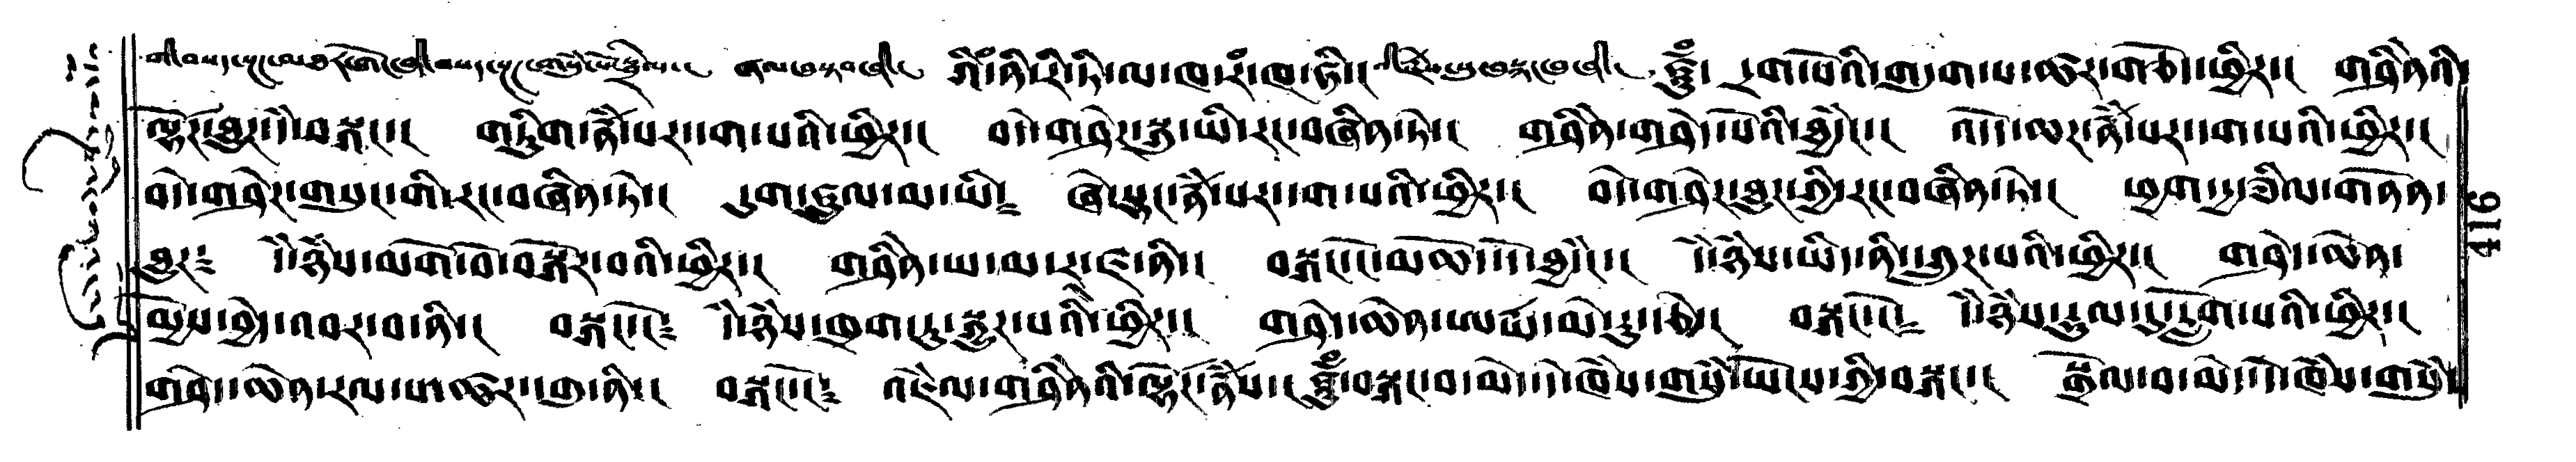གི་བསད་སྔགས་གསུམ་པོ་སྦྲེལ། ཞལ་སྟོབ་ནི། ཀིཾ་ནི་རི་ཏི་ལ་ཁ་རཾ་ཁཱ་ཧི འི་རྗེས་སུ་བསྐང་བ་ནི། ཧཱུྃ། དྲག་པོའི་གདུག་པ་ཚར་གཅོད་ཕྱིར། །གཤིན་རྗེའི་
ལྷ་ཚོགས་ཐུགས་དམ་བསྐང་། །གཏི་མུག་རྣམ་པར་དག་པའི་ཕྱིར། །བདེ་གཤེགས་སྐུ་ཡི་རང་བཞིན་ཏེ། །གཤིན་རྗེ་གཤེད་པོའི་ཐུགས་དམ་བསྐང་། །འདོད་ཆགས་རྣམ་པར་དག་པའི་ཕྱིར། །
བདཻ་གཤེགས་གསུང་གི་རང་བཞིན་ཏེ། །དུག་ཧྲུལ་མ་ཡི༴ ཞེ་སྡང་རྣམ་པར་དག་པའི་ཕྱིར། །བདེ་གཤེགས་ཐུགས་ཀྱི་རང་བཞིན་ཏེ། ཕྱག་རྒྱ་ཟིལ་གནོན་
ཐུགས༴ དམ་ཉམས་མགོ་བོ་བསྐོར་བའི་ཕྱིར། །གཤིན་རྗེ་ཡ་མ་རཱ་ཛ་ནི། །བསྐང་ངོ་མཆོད་དོ་ཐུགས་དམ་བསྐང་། །དམ་ཉམས་ཡིད་ནི་དཀྲུག་པའི་ཕྱིར། །གཤེད་ཆེན་
མྱོས་བྱེད་འབར་བ་ནི། །བསྐང་ངོ༴དམ་ཉམས་ཁྲག་ཏུ་སྐྱུག་པའི་ཕྱིར། །གཤེད་ཆེན་ཨརྻ་མེ་རུ་རྩེ། །བསྐང་ངོ༴ དམ་ཉམས་རྡུལ་དུ་རློག་པའི་ཕྱིར། །
གཤེད་ཆེན་རལ་པ་ཚར་དགུ་ནི། །བསྐང་ངོ༴ འཇམ་དཔལ་གཤིན་རྗེའི་ལྷ་ཚོགས་ནི། །ཧཱུྃ། བསྐང་བ་མེད་དེ་ཁམས་གསུམ་ཡོངས་ཀྱི་བསྐང་། །སྒྲོལ་བ་མེད་དེ་ཁམས་གསུམ་